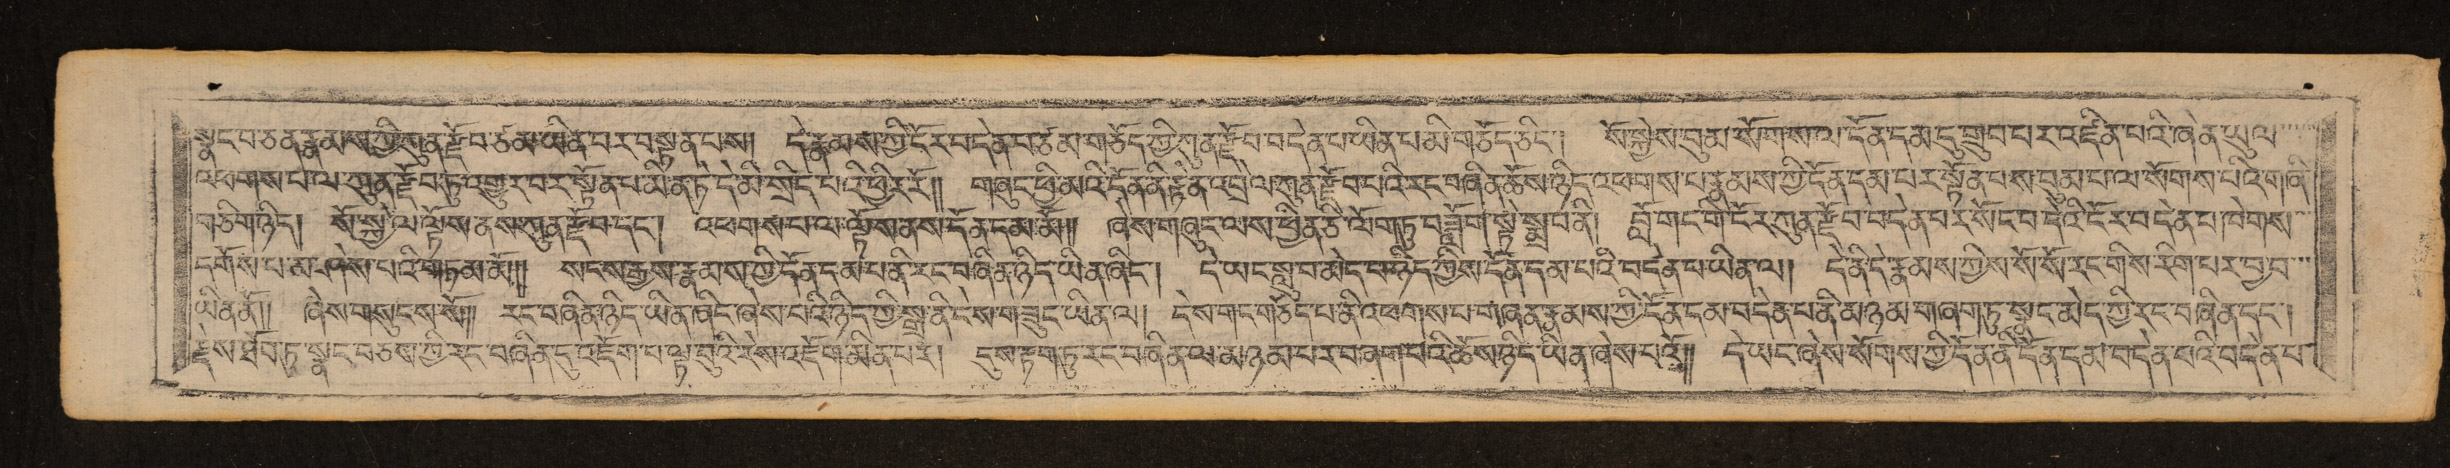སྣང་བ་ཅན་རྣམས་ཀྱི་ཀུན་རྫོབ་ཙམ་ཡིན་པར་བསྟན་པས། དེ་རྣམས་ཀྱི་ངོར་བདེན་པ་ཙམ་གཅོད་ཀྱི་ཀུན་རྫོབ་བདེན་པ་ཡིན་པ་མི་གཅོད་ཅིང་། སོ་སྐྱེས་བུམ་སོགས་ལ་དོན་དམ་དུ་གྲུབ་པར་འཛིན་པའི་ཞེན་ཡུལ་
འཕགས་པ་ལ་ཀུན་རྫོབ་ཏུ་འགྱུར་བར་སྟོན་པ་མིན་ཏེ་དེ་མི་སྲིད་པའི་ཕྱིར་རོ།། གཞུང་ཕྱི་མའི་དོན་ནི་རྟེན་འབྲེལ་ཀུན་རྫོབ་པའི་རང་བཞིན་ཆོས་ཉིད་འཕགས་པ་རྣམས་ཀྱི་དོན་དམ་པར་སྟོན་པས་བུམ་པ་ལ་སོགས་པའི་གཞི་
གཅིག་ཉིད། སོ་སྐྱེ་ལ་ལྟོས་ནས་ཀུན་རྫོབ་དང་། འཕགས་པ་ལ་ལྟོས་ནས་དོན་དམ་མོ།། ཞེས་གཞུང་ལས་ཕྱིན་ཅི་ལོག་ཏུ་བཟློག་སྟེ་སྨྲ་བ་ནི། བློ་གང་གི་ངོར་ཀུན་རྫོབ་བདེན་པར་སོང་བ་དེའི་ངོར་བདེན་པ་ཁེགས་
དགོས་པ་མ་ཤེས་པའི་གཏམ་མོ།། སངས་རྒྱས་རྣམས་ཀྱི་དོན་དམ་པ་ནི་རང་བཞིན་ཉིད་ཡིན་ཞིང་། དེ་ཡང་སླུ་བ་མེད་པ་ཉིད་ཀྱིས་དོན་དམ་པའི་བདེན་པ་ཡིན་ལ། དེ་ནི་དེ་རྣམས་ཀྱིས་སོ་སོ་རང་གིས་རིག་པར་བྱ་བ་
ཡིན་ནོ།། ཞེས་གསུངས་སོ།། རང་བཞིན་ཉིད་ཡིན་ཞིང་ཞེས་པའི་ཉིད་ཀྱི་སྒྲ་ནི་ངེས་གཟུང་ཡིན་ལ། དེས་གང་གཅོད་པ་ནི་འཕགས་པ་གཞན་རྣམས་ཀྱི་དོན་དམ་བདེན་པ་ནི་མཉམ་གཞག་ཏུ་སྣང་མེད་ཀྱི་རང་བཞིན་དང་།
རྗེས་ཐོབ་ཏུ་སྣང་བཅས་ཀྱི་རང་བཞིན་དུ་འཇོག་པ་ལྟ་བུའི་རེས་འཇོག་མིན་པར། དུས་རྟག་ཏུ་རང་བཞིན་ལ་མཉམ་པར་བཞག་པའི་ཆོས་ཉིད་ཡིན་ཞེས་པའོ།། དེ་ཡང་ཞེས་སོགས་ཀྱི་དོན་ནི་དོན་དམ་བདེན་པའི་བདེན་པ་